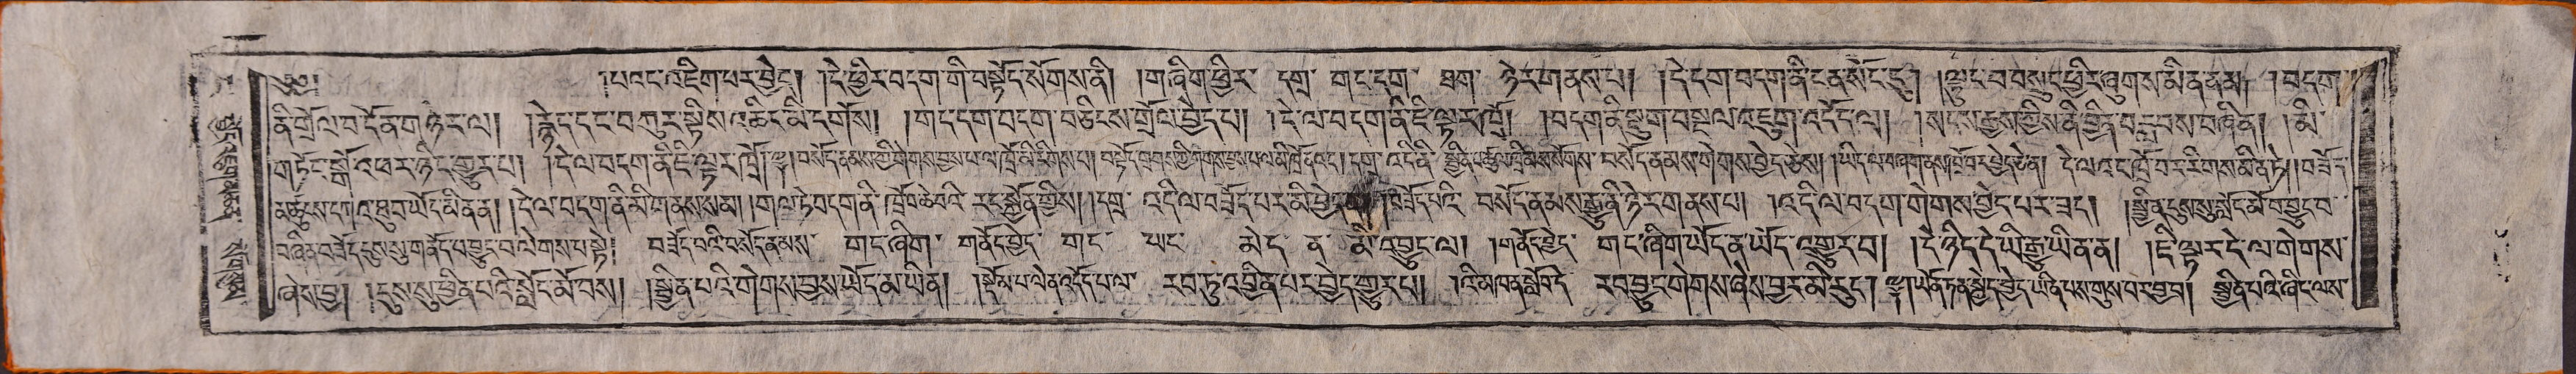༄༅། །པའང་འཇིག་པར་བྱེད། །དེ་ཕྱིར་བདག་གི་བསྟོད་སོགས་ནི། །གཞིག་ཕྱིར་དགྲ་གང་དག་ཐག་ཉེར་གནས་པ། །དེ་དག་བདག་ནི་ངན་སོང་དུ། །ལྟུང་བ་བསྲུང་ཕྱིར་ཞུགས་མིན་ནས། །བདག་
ནི་གྲོལ་བ་དོན་གཉེར་ལ། །རྙེད་དང་བཀུར་སྟིས་འཆིང་མི་དགོས། །གང་དག་བདག་བཅིངས་གྲོལ་བྱེད་པ། །དི་ལ་བདག་ནི་ཇི་ལྟར་ཁྲོ། །འདག་ནི་སྡུག་བསྔལ་འཇུག་འདོད་ལ། །སངས་རྒྱས་ཀྱིས་ནི་བྱིན་བརླབས་བཞིན། །མི་
གཏོང་སྒོ་འཕར་ཉིད་གྱུར་པ། །དེ་ལ་བདག་ནི་ཇི་ལྟར་ཁྲོ། ༈ །བསོད་ནམས་ཀྱི་གེགས་བྱས་པ་ལ་ཁྲོ་མི་རིགས་པ། བསྟོད་གྲགས་ཀྱི་གེགས་བྱས་པ་ལ་མི་ཁྲོ་ནའང་།  དགྲ་འདི་ནི་སྦྱིན་པ་ཚུལ་ཁྲིམས་སོགས་བསོད་ནམས་གེགས་བྱེད་ཅེས། །ཡིད་ལ་བཞག་ནས་ཁྲོ་བར་བྱེད་ཅེ་ན། དེ་ལའང་ཁྲོ་བར་རིགས་མིན་ཏེ། །བཟོད་
མཚུངས་དཀའ་ཐུབ་ཡོད་མིན་ན། །དེ་ལ་བདག་ནི་མི་གནས་སམ། །གལ་ཏེ་བདག་ནི་ཁྲོ་བ་ཆེ་བའི་རང་སྐྱོན་གྱིས། །དགྲ་འདི་ལ་བཟོད་པར་མི་བྱེད་ན། །བཟོད་པའི་བསོད་ནམས་རྒྱུ་ནི་ཉེར་གནས་པ། །འདི་ལ་བདག་གེགས་བྱེད་པར་ཟད། །སྤྱིན་དུས་སུ་སློང་མོ་བ་བྱུང་བ་
བཞིན་བཟོད་དུས་སུ་གནོད་པ་བྱུང་བ་ལེགས་པ་སྟེ། བཟོད་པའི་བསོད་ནམས་གང་ཞིག་གནོད་བྱེད་གང་ཡང་མེད་ན་མི་འབྱུང་ལ། །གནོད་བྱེད་གང་ཞིག་ཡོད་ན་ཡོད་འགྱུར་བ། །དེ་ཉིད་དེ་ཡི་རྒྱུ་ཡིན་ན། །ཇི་ལྟར་དེ་ལ་གེགས་
ཞེས་བྱ། །དུས་སུ་ཕྱིན་པའི་སློང་མོ་པས། །སྦྱིན་པའི་གེགས་བྱས་ཡོད་མ་ཡིན། །སྡོམ་པ་ལེན་འདོད་པ་ལ་རབ་ཏུ་འབྱིན་པར་བྱེད་གྱུར་པ། །འི་མཁན་སློབ་དེ་རབ་བྱུང་གེགས་ཞེས་བྱར་མི་རུང་། ༈ །ཡོན་ཏན་སྐྱེད་བྱེད་ཡིན་པས་གུས་པར་བྱ་བ། སྦྱིན་པའི་ཞིང་ལས་